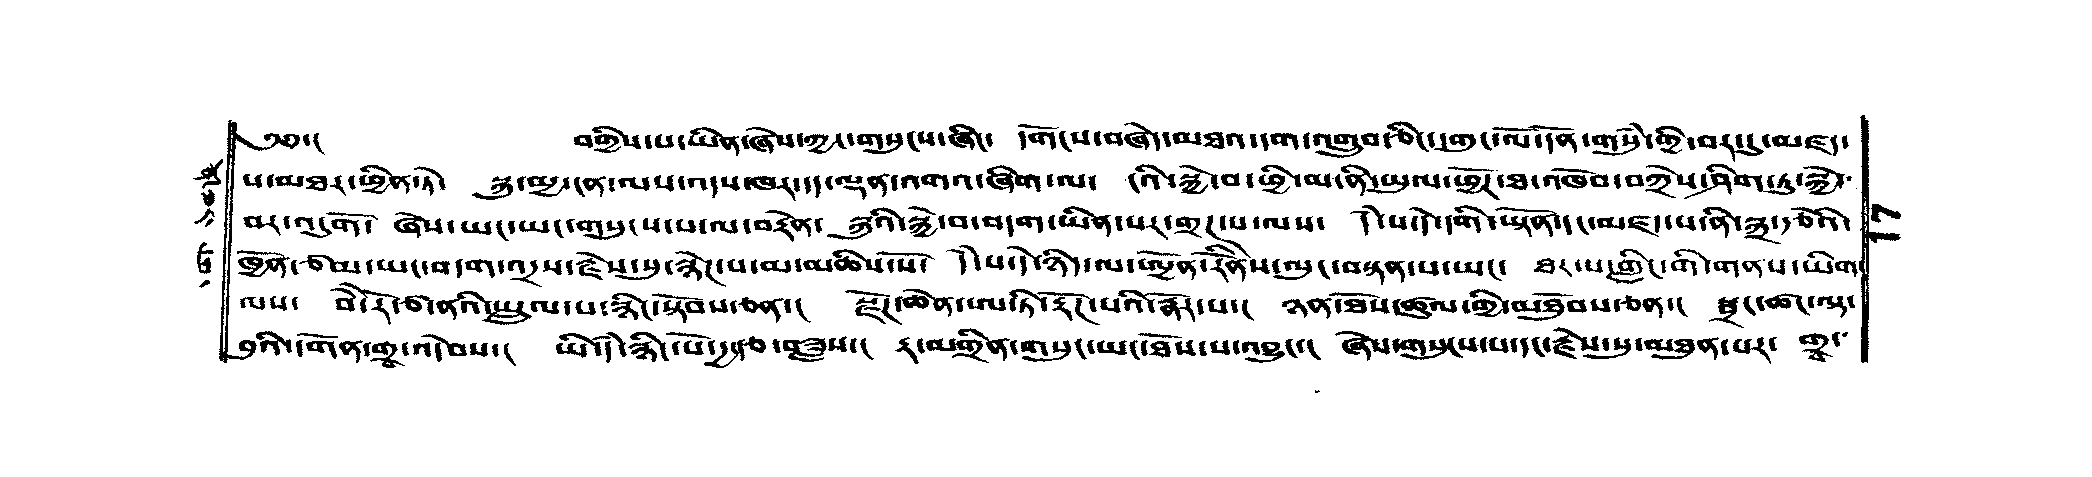བགྱིས་པ་ཡིན་ཞེས་ཀྱང་གསུངས་ཞིང་། དགོངས་བཞེད་མཐའ་དག་འགྲུབ་ཅིང་དགུང་ལོ་དོན་གསུམ་གྱི་བར་དུ་མཛད་
པ་མཐར་ཕྱིན་ཏེ། སྐུ་མྱ་ངན་ལས་འདའ་ཁར་དད་ལྡན་འགའ་ཞིག་ལ། ངའི་སྐྱེ་བ་ཕྱི་མ་ནི་ཡུལ་ཕྱོགས་ཐ་འཁོབ་བཀྲེས་ཤིག་ཏུ་སྐྱེ་
བར་འདུག་གོ ཞེས་ཡང་ཡང་གསུངས་པ་ལ་བརྟེན། སྐུའི་སྐྱེ་བ་བདག་ཡིན་པར་གྲགས་པ་ལས།དམ་པ་དེ་དག་གི་ཡོན་ཏན་དང་མཛད་པ་ནི་སྐྲ་རྩེའི་
ཁྱོན་ཙམ་ཡང་བདག་འདྲས་རྗེས་སུ་སྙེགས་པ་མ་མཆིས་སོ། །དམ་པ་དེ་ཉིད་ལ་ཨོ་རྒྱན་རིན་པོ་ཆེས་ལུང་བསྟན་པ་ཡང་། ཐར་པ་གླིང་གི་གནས་ཡིག་
ལས། །བཻ་རོ་ཙ་ནའི་སྤྲུལ་པ་སྙིང་སྟོབས་ཅན། །རྫོགས་ཆེན་ཨ་ཏི་རྟོགས་པའི་རྣལ་འབྱོར་པ། །ཉན་ཐོས་ཚུལ་གྱི་མཐུ་སྟོབས་ཅན། །སྦྲང་ཚང་ལྟ་
བུའི་དགོན་གྲྭ་འདེབས། །ཡི་དམ་སྙིང་པོ་རྒྱ་རྩ་བཟླས། །རྟ་མགྲིན་གསུང་ཡང་ཐོས་པ་འབྱུང་། ཞེས་གསུངས་པ་དང་རྗེས་སུ་མཐུན་པར། གྲྭ་